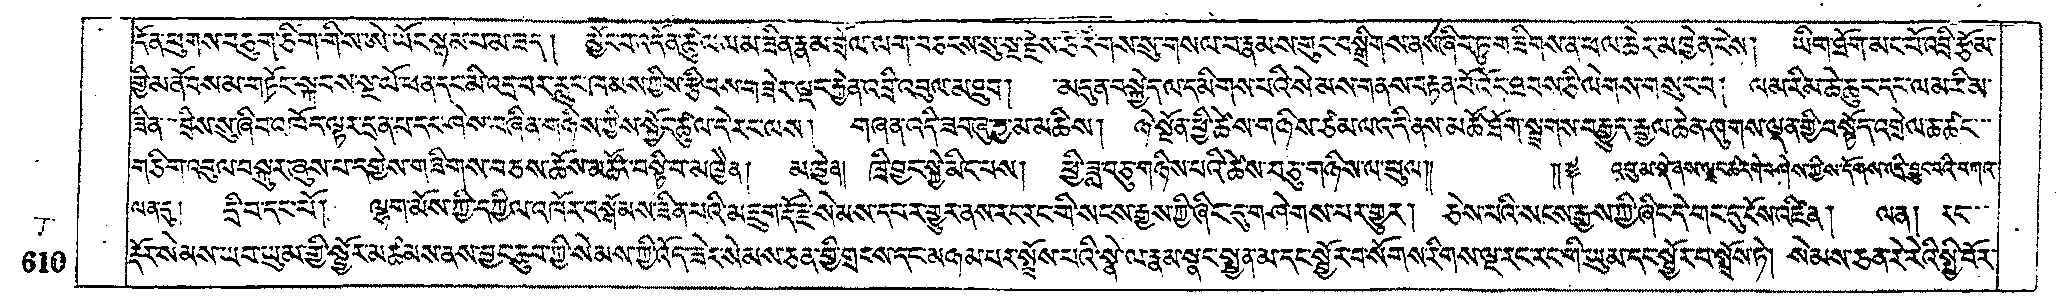དོན་ཕུགས་བཅུག་ཅིག་གིས་ཨེ་ཡོང་སྙམ་པ་མ་ཟད། མྱོང་བ་འདོན་ཚུལ་ལམ་ཟིན་རྣམ་གྲོལ་ལག་བཅངས་སུ་སྔ་རྗེས་ཅི་རིགས་སུ་གསལ་བ་རྣམས་གུང་བསྒྲིགས་ནས་ཞིབ་ཏུ་གཟིགས་ན་ཕལ་ཆེར་མཁྱེན་ངེས། ཡིག་ཐོག་མང་པོ་འབྲི་རྩོམ་
གྱི་མནོ་བསམ་གཏོང་སྐབས་སྔ་ལོ་ཕན་དང་མི་འདྲ་བར་རླུང་ཁམས་ཀྱིས་རྩིབས་གཟེར་ལྡང་རྐྱེན་འབྲི་འབུལ་མ་ཐུབ། མདུན་བསྐྱེད་ལ་དམིགས་པའི་སེམས་གནས་བརྟན་པོ་འོང་ཐབས་ཅི་ལེགས་གསུང་བ། ལམ་རིམ་ཆེ་ཆུང་དང་ལམ་རིམ་
ཟིན་་་བྲིས་སུ་ཞིབ་འཁོད་ལྟར་དྲན་པ་དང་ཤེས་བཞིན་གཉིས་ཀྱིས་སྐྱོང་ཚུལ་དེ་རང་ལས། གཞན་འདི་ཟབ་ཞུ་བྱ་མ་མཆིས། ཉེ་སྔོན་ཕྱི་ཚེས་གཉིས་ཙམ་ལ་འདི་ནས་མཚོ་ཐོག་སྦྲགས་བརྒྱུད་རྒྱལ་ཆེན་ཤུགས་ལྡན་གྱི་བསྟོད་འགྲེལ་ཆ་ཚང་་་
གཅིག་འབུལ་བསྐུར་ཞུགས་པ་དགྱེས་གཟིགས་བཅས་ཆོས་མཚོར་བསྟི་བ་མཁྱཻན། མཁྱེན། ཁྲི་བྱང་སྐྱེ་མིང་པས། ཕྱི་ཟླ་བཅུ་གཉིས་པའི་ཚེས་བཅུ་གཉིས་ལ་ཕུལ།། །།འྰྦུམ་སྡེ་ནས་ལྗང་ཚ་དགེ་བཤེས་ཀྱིས་དོགས་འདྲི་བྱུང་བའི་བཀའ་
ལན་དུ། དྲི་བ་དང་པོ། ལྷག་མོས་ཀྱི་དཀྱིལ་འཁོར་བསྒོམས་ཟིན་པའི་མཇུག་རྡོ་རྗེ་སེམས་དཔར་གྱུར་ནས་རང་རང་གི་སངས་རྒྱས་ཀྱི་ཞིང་དུ་གཤེགས་པར་གྱུར། ཅེས་པའི་སངས་རྒྱས་ཀྱི་ཞིང་དེ་གང་དུ་ངོས་འཛིན། ལན། རང་་་
རྡོར་སེམས་ཡབ་ཡུམ་གྱི་སྦྱོར་མཚམས་ནས་བྱང་ཆུབ་ཀྱི་སེམས་ཀྱི་འོད་ཟེར་སེམས་ཅན་གྱི་གྲངས་དང་མཉམ་པར་སྤྲོས་པའི་སྣེ་ལ་རྣམ་སྣང་སྤྱན་མ་དང་སྦྱོར་བ་སོགས་རིགས་ལྔ་རང་རང་གི་ཡུམ་དང་སྦྱོར་པ་སྤྲོས་ཏེ། སེམས་ཅན་རེ་རེའི་སྤྱི་བོར་